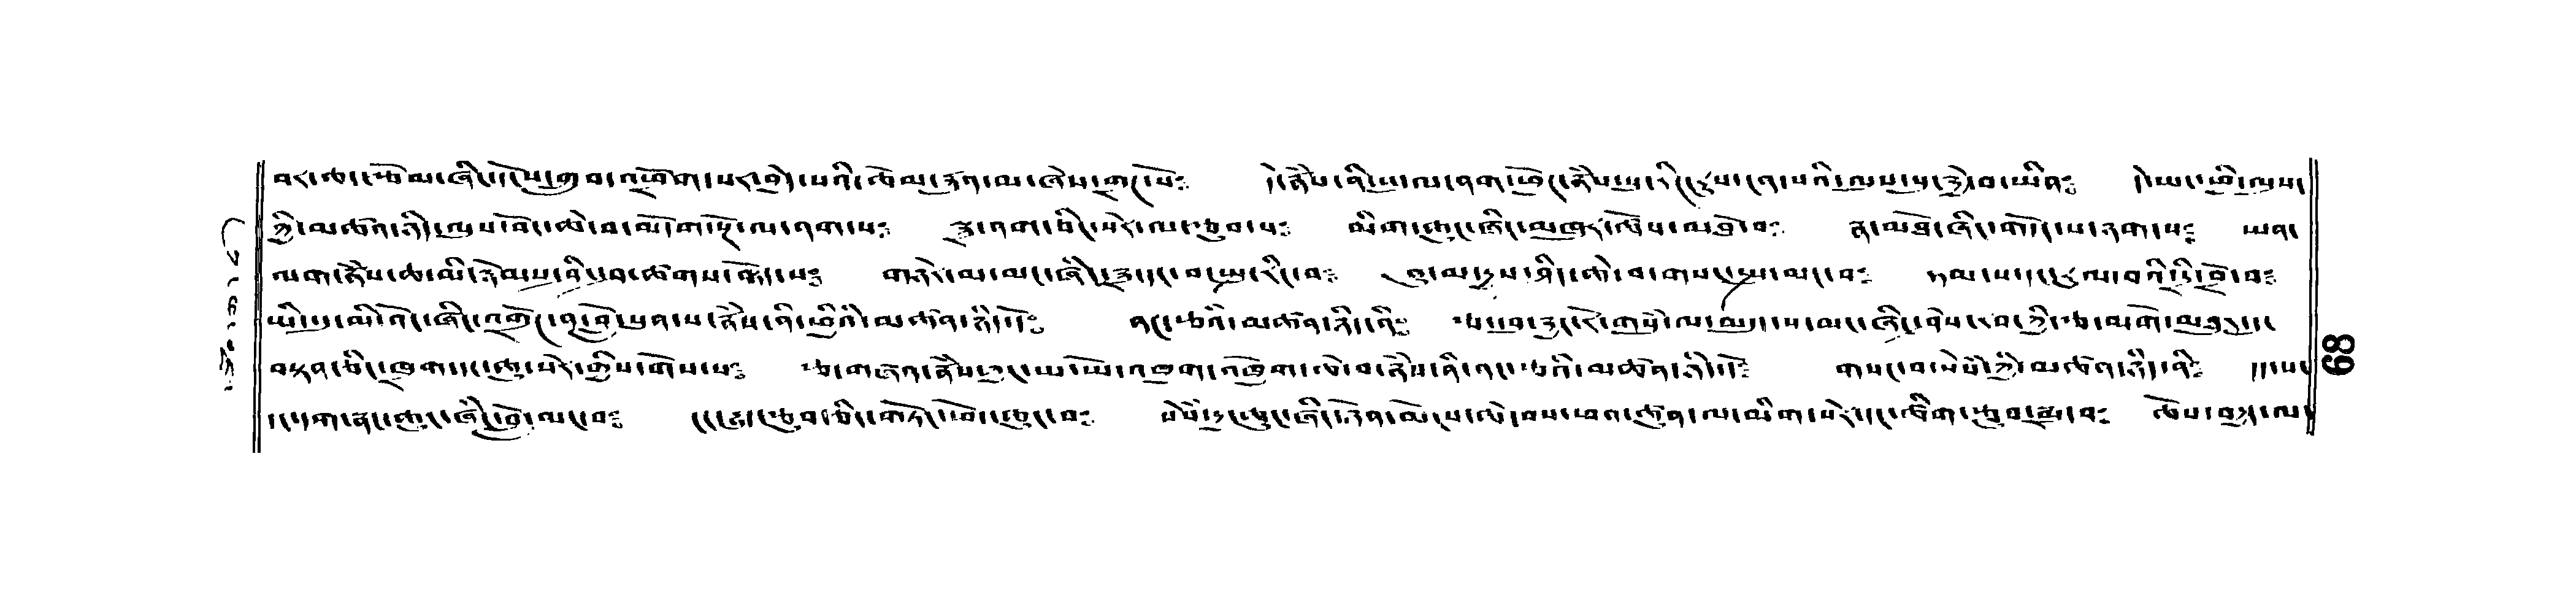བར་ཆད་རྩོམ་ཞིང་དངོས་གྲུབ་འཕྲོག་པར་བྱེད་པའི་ཆོམ་རྐུན་མ་ཞེས་གྲགས་སོ༔ དེ་རྣམས་ནི་ཡུལ་ནག་ཕྱོགས་རྣམས་སུ་རིགས་རུས་ངན་པའི་ལུས་སུ་སྐྱེ་བ་ཡིན༔ དེ་ཡང་ཕྱི་ལུས་
ཀྱི་མཚན་ཉིད་ལུས་བོང་ཆེ་བ་མདོག་སྔོ་ལ་ནག་པ༔ སྐྲ་ནག་ཅིང་སེར་ལ་རྩུབ་པ༔ མིག་ཆུང་ཞིང་མཁུར་ཚོས་མཐོ་བ༔ སྣ་མཐོ་ཞིང་གདོང་པ་ཉག་པ༔ ཡན་
ལག་རྣམས་ཆ་མི་སྙོམས་ཤིང་ཤ་ཚགས་ལྷོད་པ༔ གཉེར་མ་མང་ཞིང་སྐྲ་དང་བ་སྤུ་རིང་བ༔ནུ་མ་རྒྱས་ཤིང་ཆེ་བ༔ གསང་སྤུ་མང་བ༔ ཧམ་པ་དང་རུལ་བའི་དྲི་བྲོ་བ༔ 
ཡིད་དུ་མི་འོང་ཞིང་འགྲོགས་ན་བློ་སུན་པ་རྣམས་ནི་ཕྱིའི་མཚན་ཉིད་དོ༔ ནང་རྩའི་མཚན་ཉིད་ནི༔ རྩ་དབུ་སྐྱང་རོ་གསུམ་ལ་མདུད་པ་མང་ཞིང་ཤེས་རབ་ཀྱི་རྩ་མགོ་ཐུར་དུ་
བསྟན་ཅིང་ཁྲག་དང་ཆུ་སེར་གྱིས་གོས་པ༔ རྩ་གཞན་རྣམས་ཀྱང་ཡ་ཡོ་འཁྱག་འཁྱོག་ཆེ་བ་རྣམས་ནི་ནང་རྩའི་མཚན་ཉིད་དོ༔ གསང་བ་སེམས་ཀྱི་མཚན་ཉིད་ནི༔ དད་པ་
དང་དག་སྣང་ཆུང་ཞིང་བློ་མང་བ༔ ངང་རྒྱུད་རྩུབ་ཅིང་གཏོང་ཕོད་ཆུང་བ༔ སེམས་རྒྱ་ཆུང་ཞིང་ཉོན་མོངས་ཆེ་བས་ཕན་ཚུན་ལ་མིག་སེར་དང་ཚིག་རྩུབ་སྨྲ་བ༔ ཆོས་བརྒྱད་ལ་